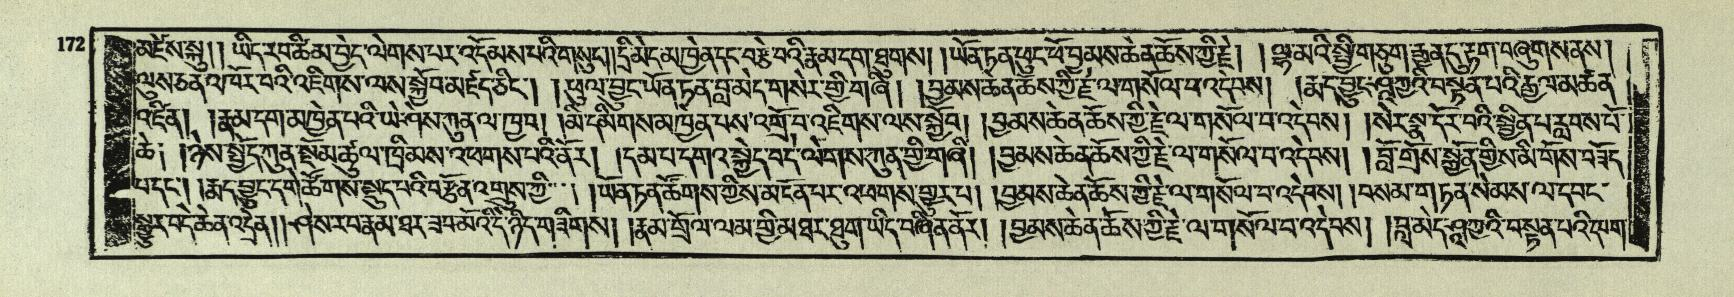མཛེས་སྐུ། །ཡིད་རབ་ཚིམ་བྱེད་ལེགས་པར་འདོམས་པའི་གསུང་། །དྲི་མེད་མཁྱེན་དང་བརྩེ་བའི་རྣམ་དག་ཐུགས། །ཡོན་ཏན་ཕུང་ཕོ་བྱམས་ཆེན་ཆོས་ཀྱི་རྗེ། །ལྷ་མའི་སྤྱི་གཅུག་རྒྱན་དུ་རྟག་བཞུགས་ནས།
ལུས་ཅན་འཁོར་བའི་འཇིགས་ལས་སྐྱོབ་མཛད་ཅིང་། །ཕུལ་བྱུང་ཡོན་ཏན་བླ་མེད་གསེར་གྱི་གཞི། །བྱམས་ཆེན་ཆོས་ཀྱི་རྗེ་ལ་གསོལ་བ་འདེབས། །རྨད་བྱུང་ཤཱཀྱའི་བསྟན་པའི་རྒྱལ་མཚན་
འཛིན། །རྣམ་དག་མཁྱེན་པའི་ཡེ་ཤེས་ཀུན་ལ་ཁྱབ། །མི་དམིགས་མཁྱེན་པས་འགྲོ་བ་འཇིགས་ལས་སྐྱོབ། །བྱམས་ཆེན་ཆོས་ཀྱི་རྗེ་ལ་གསོལ་བ་འདེབས། །སེར་སྣ་དོར་བའི་སྦྱིན་པ་རླབས་པོ་
ཆེ། །ཉེས་སྤྱོད་ཀུན་སྡོམ་ཚུལ་ཁྲིམས་འཕགས་པའི་ནོར། །དམ་པ་དགའ་སྐྱེད་བདེ་ལེགས་ཀུན་གྱི་གཞི། །བྱམས་ཆེན་ཆོས་ཀྱི་རྗེ་ལ་གསོལ་བ་འདེབས། །བློ་གྲོས་སྐྱོན་གྱིས་མི་གོས་བཟོད་
པ་དང་། །རྨད་བྱུང་དགེ་ཚོགས་སྡུད་པའི་བརྩོན་འགྲུས་ཀྱི་། །ཡོན་ཏན་ཚོགས་ཀྱིས་མངོན་པར་འཕགས་གྱུར་པ། །བྱམས་ཆེན་ཆོས་ཀྱི་རྗེ་ལ་གསོལ་བ་འདེབས། །བསམ་གཏན་སེམས་ལ་དབང་
སྒྱུར་བདེ་ཆེན་འདྲེན། །ཤེས་རབ་རྣམ་ཐར་ཟབ་མོའི་དེ་ཉིད་གཟིགས། །རྣམ་གྲོལ་ལམ་གྱི་མཐར་ཐུག་ཡིད་བཞིན་ནོར། །བྱམས་ཆེན་ཆོས་ཀྱི་རྗེ་ལ་གསོལ་བ་འདེབས། །བླ་མེད་ཤཱཀྱའི་བསྟན་པའི་དཔག་